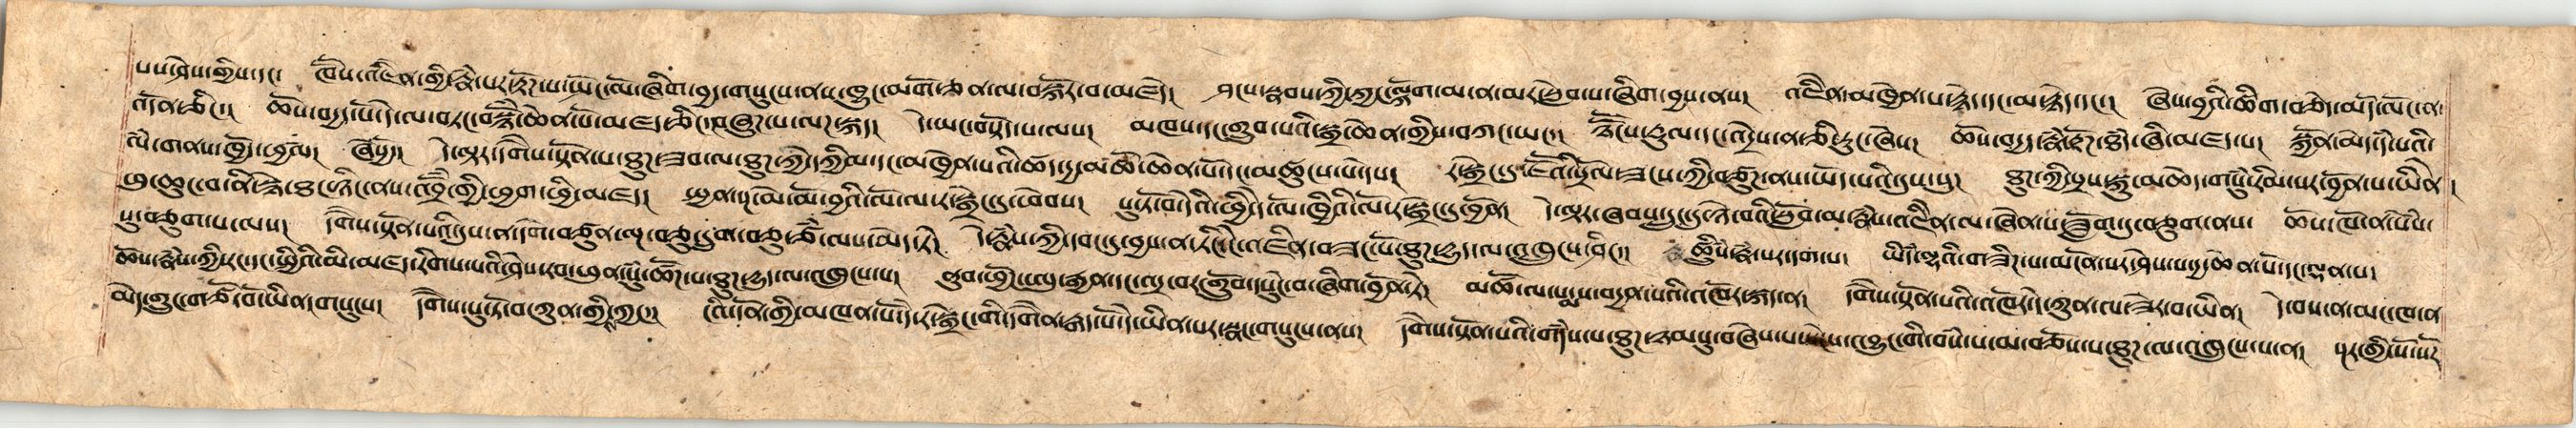པས་ཤེས་གྱིས་དང་། ཁཽས་འཇིེན་གྱི་རྣཾ་པར་རྟོཌ་པ་སྤོང་མོ་ཞིག་བྱད་གསུངས་ནས་ཁྱུང་མགོ་ཅན་ལ་བསྐོར་བ་མཛདེ། ཤངས་སྣབས་ཀྱི་ཀྱང་ལྐོག་མ་ན་མར་སླེབ་པ་ཞིག་བྱས་ནས། འཇིནེ་མཁྱེན་པ་རྙེད་དང་མ་རྙེད་དང་། ཞེས་བྱའི་ཚིག་བཅད་མདོ་ལོང་ན་
འདོན་ཅིང་། ཆོས་བདྱད་པོ་དེ་ལ་བཏང་བསྙོཾ་ཆེན་པོ་མཛད་ཅིང་བཞུཌ་པ་ལཌ་སྐད། དེ་ཡང་བསྟོད་པ་ལས། མཁས་དང་གྲུབ་པའི་སྒྲ་ཆེན་གྱིས་བཀང་ཡང་། ཉཽངས་རྡུལ་དང་འདྲེས་ན་ཅི་རུང་ཞེས། ཆོས་བདྱད་རྣཾ་རྟོཌ་ཐཾད་ཞི་མཛད་པ། སྐྱོན་མེད་དཾ་པའི་
ལཾ་གནས་ཁྱོད་ཕྱཚལ། ཞེསྱོ་། དེ་ལྟར་དགཻས་སྟོན་པ་ཐུཌ་ཟབ་ལ་ཐུཌ་ཀྱི་དཀྱིལ་དང་མཁྱེན་པའི་ཚད་དྱ་མཚོ་ཆེན་པ་དང་མཚུངས་པ་དེས། ར་སྒྲེང་དུ་ཇཽའི་སྲོལ་ཟངས་ཀྱི་བཙུཌ་ནས་ཡོད་པའི་དུས་སུ། ཐུཌ་ཀྱི་སྲས་སྐུ་མཆེད་གསུཾ་རིམ་པར་བྱོན་པ་ཡིནེ །
ཕུ་ཆུང་བ་ནི་སྙེ་ཐང་ཉིང་ནས་འབྲོཾ་གྱི་ཕྱག་ཕྱི་མཛད། སྤྱན་སྔ་མེ་མོ་བྱའི་ལོ་ལ་ར་སྒྲེང་དུ་ཕེབས། པུ་ཏོ་བ་དེའི་ཕྱི་དེ་ལོ་ཁྱིའི་ལོ་ར་སྒྲེང་དུ་བྱོན། དེ་ལྟར་ཞབས་དྲུང་དུ་ཉེ་བའི་སློབ་མ་རྣཾས་འཇིནེ་ལ་ཞེན་པ་ཟློག་དུ་བཅུག་ནས་ ཆོས་ཁོ་ན་སེཾས་
སུ་བཅུག་པ་ལ། དགཻས་སྟོན་པའི་དུས་ན་དགེ་བཙུན་ལྔ་བཅུ་དྲུག་བཅུ་ཙཾ་ལས་མེད་ཏེ། དེ་རྣཾས་ཀྱི་དབང་དུ་བྱས་ན་ཏིང་ངེ་འཛིན་བཟང་པོ་ཐུཌ་དྱུད་ལ་འཁྲུངས་ཤིང་། ཚྲིུཾས་རྣཾ་པར་དག་པ་ ཡི་དཾ་ལྷའི་གཟིཌ་པ་མངོན་པར་ཤེས་པ་དྱ་ཆེན་པོ་དང་ལྡན་པ་
ཆོས་རྣཾས་ཀྱི་རང་དང་སྤྱིའི་མི་མཛད་རིགས་པའི་ཤེས་རབ་ཕུན་སུཾ་ཚོཌ་པ་ཐུཌ་དྱུད་ལ་འཁྲུངས་པ། ནུབ་ཕྱོཌ་ཨུ་རྒྱན་དང་འདྲ་བར་གྲོུབ་དཔུངེ་བ་ཞིག་བྱོན་ཏེ། མཚོ་ལ་པདྨས་བདྱན་པའི་འཁོར་སྐད་ན། དགཻས་སྟོན་པའི་འཁོར་དེ་ཀུན་ལ་ཟེར་བ་ཡིན། དེ་བས་ན་མང་ཁ་ན་
མེད་གྲུང་གཙོ་བ་ཡིན་གསུངས། དགཻས་པུ་ཏོ་བ་ཀུན་གྱིས་ཀྱང་། ངའི་དོན་གྱི་མཁན་པོ་དེ་ར་སྒྲེང་གི་དགཻན་རྒན་པོ་དེ་ཡིན་པར་སྣང་གསུངས་ནས། དགཻས་སྟོན་པའི་གདཾས་པ་ཐུཌ་ཉམསུ་བཞེས་པས་ངེས་འབྱུང་གི་བསཾ་པ་མ་བཅོས་པ་ཐུཌ་ལ་འཁྲུངས་པ་ན། སྔར་གྱིས་སོ་སོར་